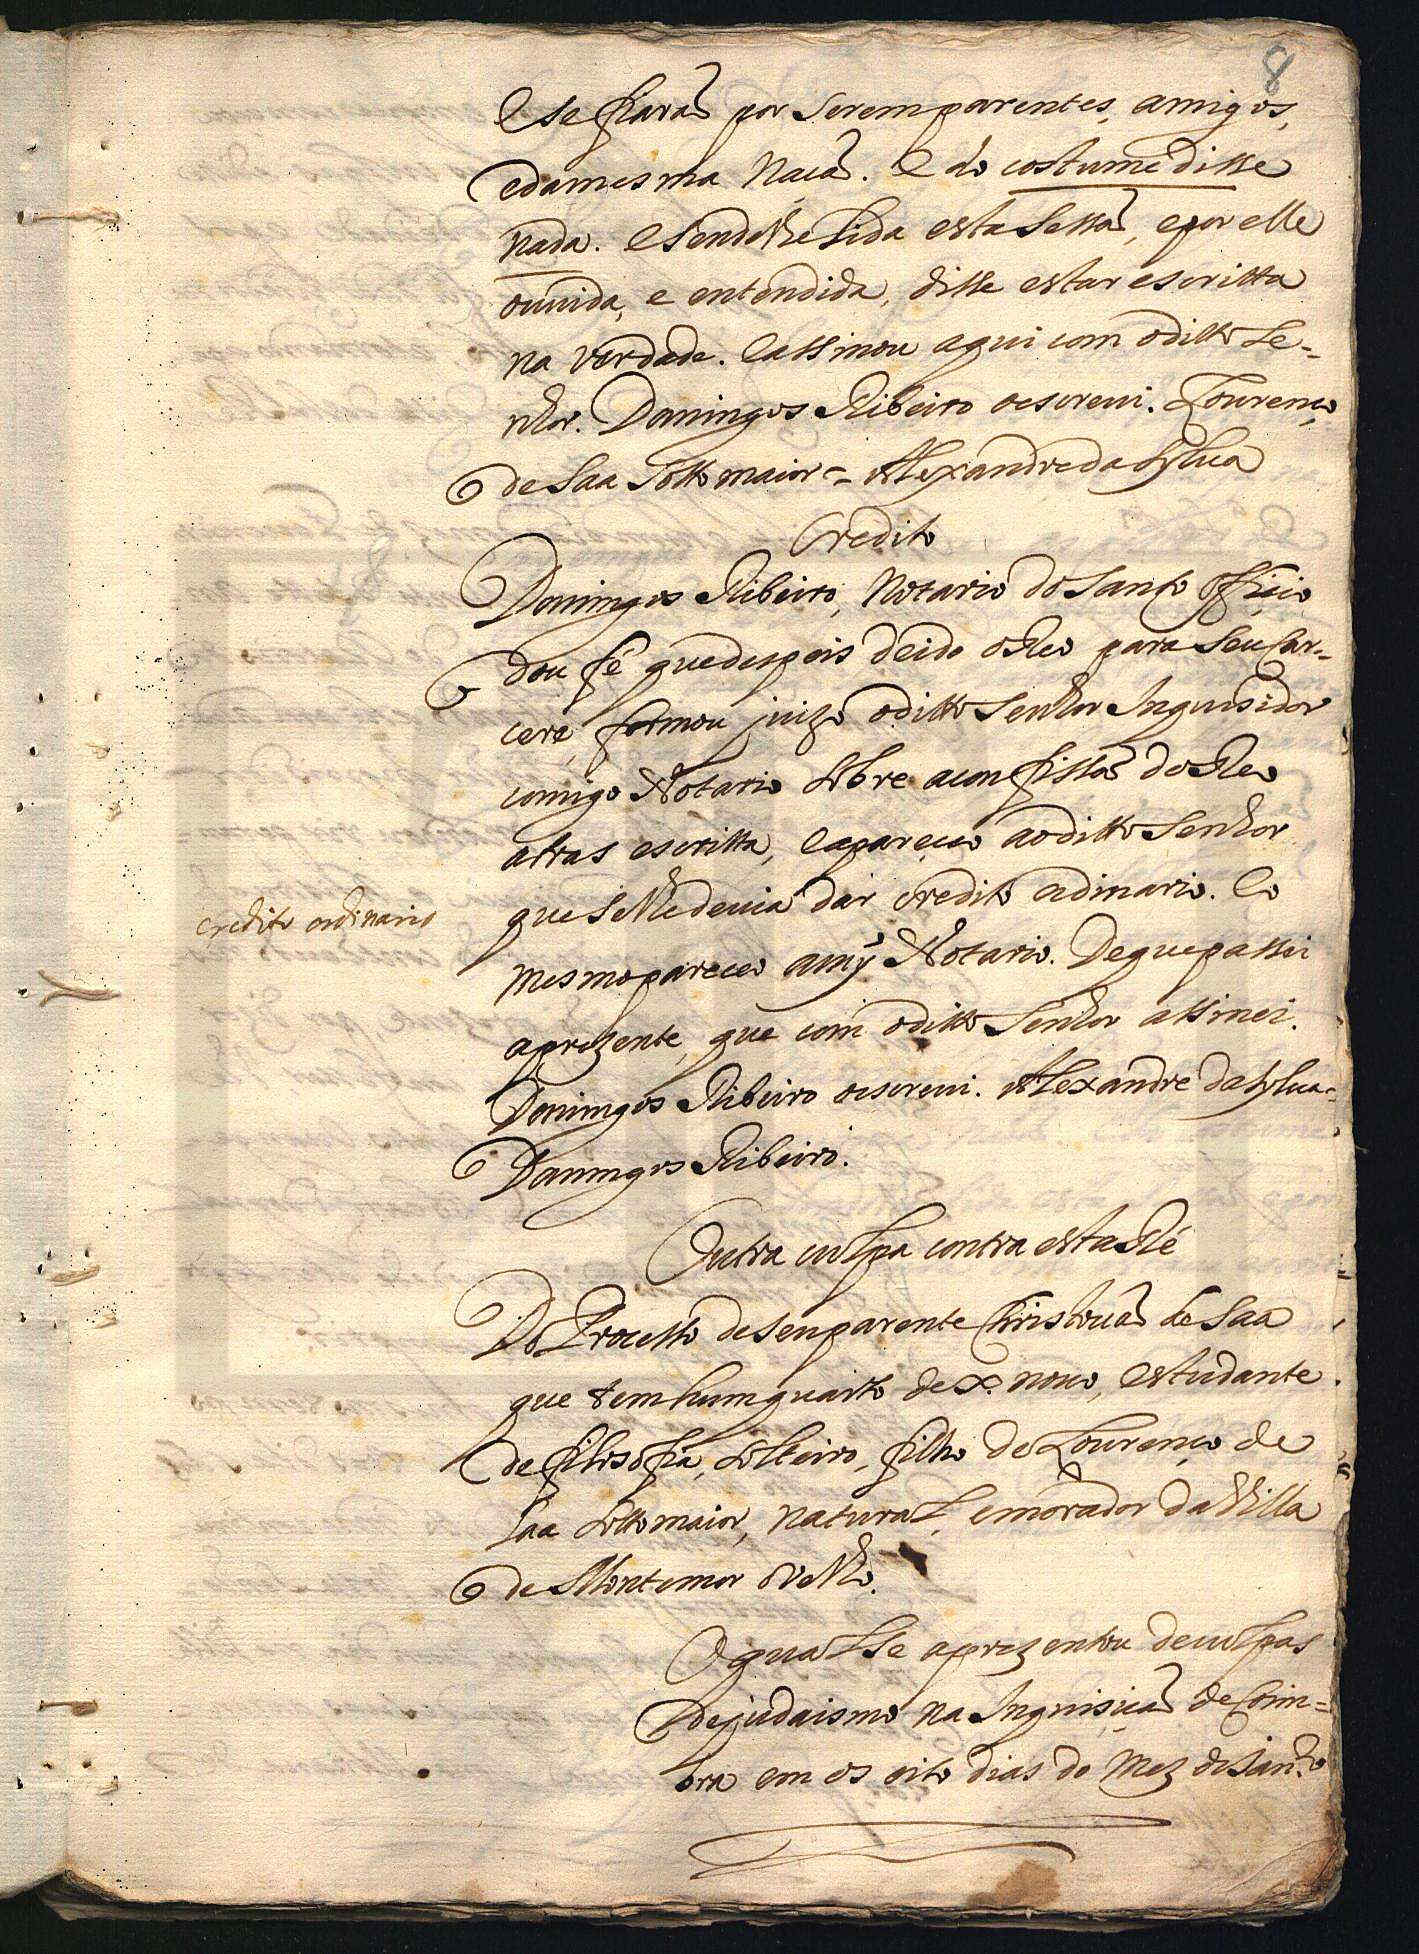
e se fiaraõ por serem parentes, amigos
e da mesma Naçaõ. E do costume disse
nada. E sendo lhe lida esta Sessão, e por elle
ouvida, e entendida, disse estar escritta
na verdade. E assinou aqui com o ditto Se
nhor. Domingos Ribeiro o escrevi: Lourenço
de Saa Sottomaior, Alexandre da Sylva
Credito
Domingos Ribeiro,Notario do Santo Officio
dou fé que despois de ido o Reo para Seu Car
cere formou juizo o ditto Senhor Inquisidor
comigo Notario sobre a confissaõ do Reo
atras escritta, e apareceo ao ditto Senhor
que se lhe devia dar credito ordinario. E
o mesmo pareceo a mȳ Notario. De que passei
a prezente, que com o ditto Senhor assinei.
Domingos Ribeiro o escrevi. Alexandre de Sylva
Domingos Ribeiro.
Outra culpa contra esta Ré
Do processo de seu parente Christovão de Saa
que tem hum quarto de x. novo, estudante
de filosofia, solteiro, filho de Lourenço de
Saa Sottomaior, natural e morador da Villa
de Montemor o Velho.
O qual se aprezentou de culpas
de judaismo na Inquisiçaõ de Coim
bra em os oito dias do mez de Jan.ro
